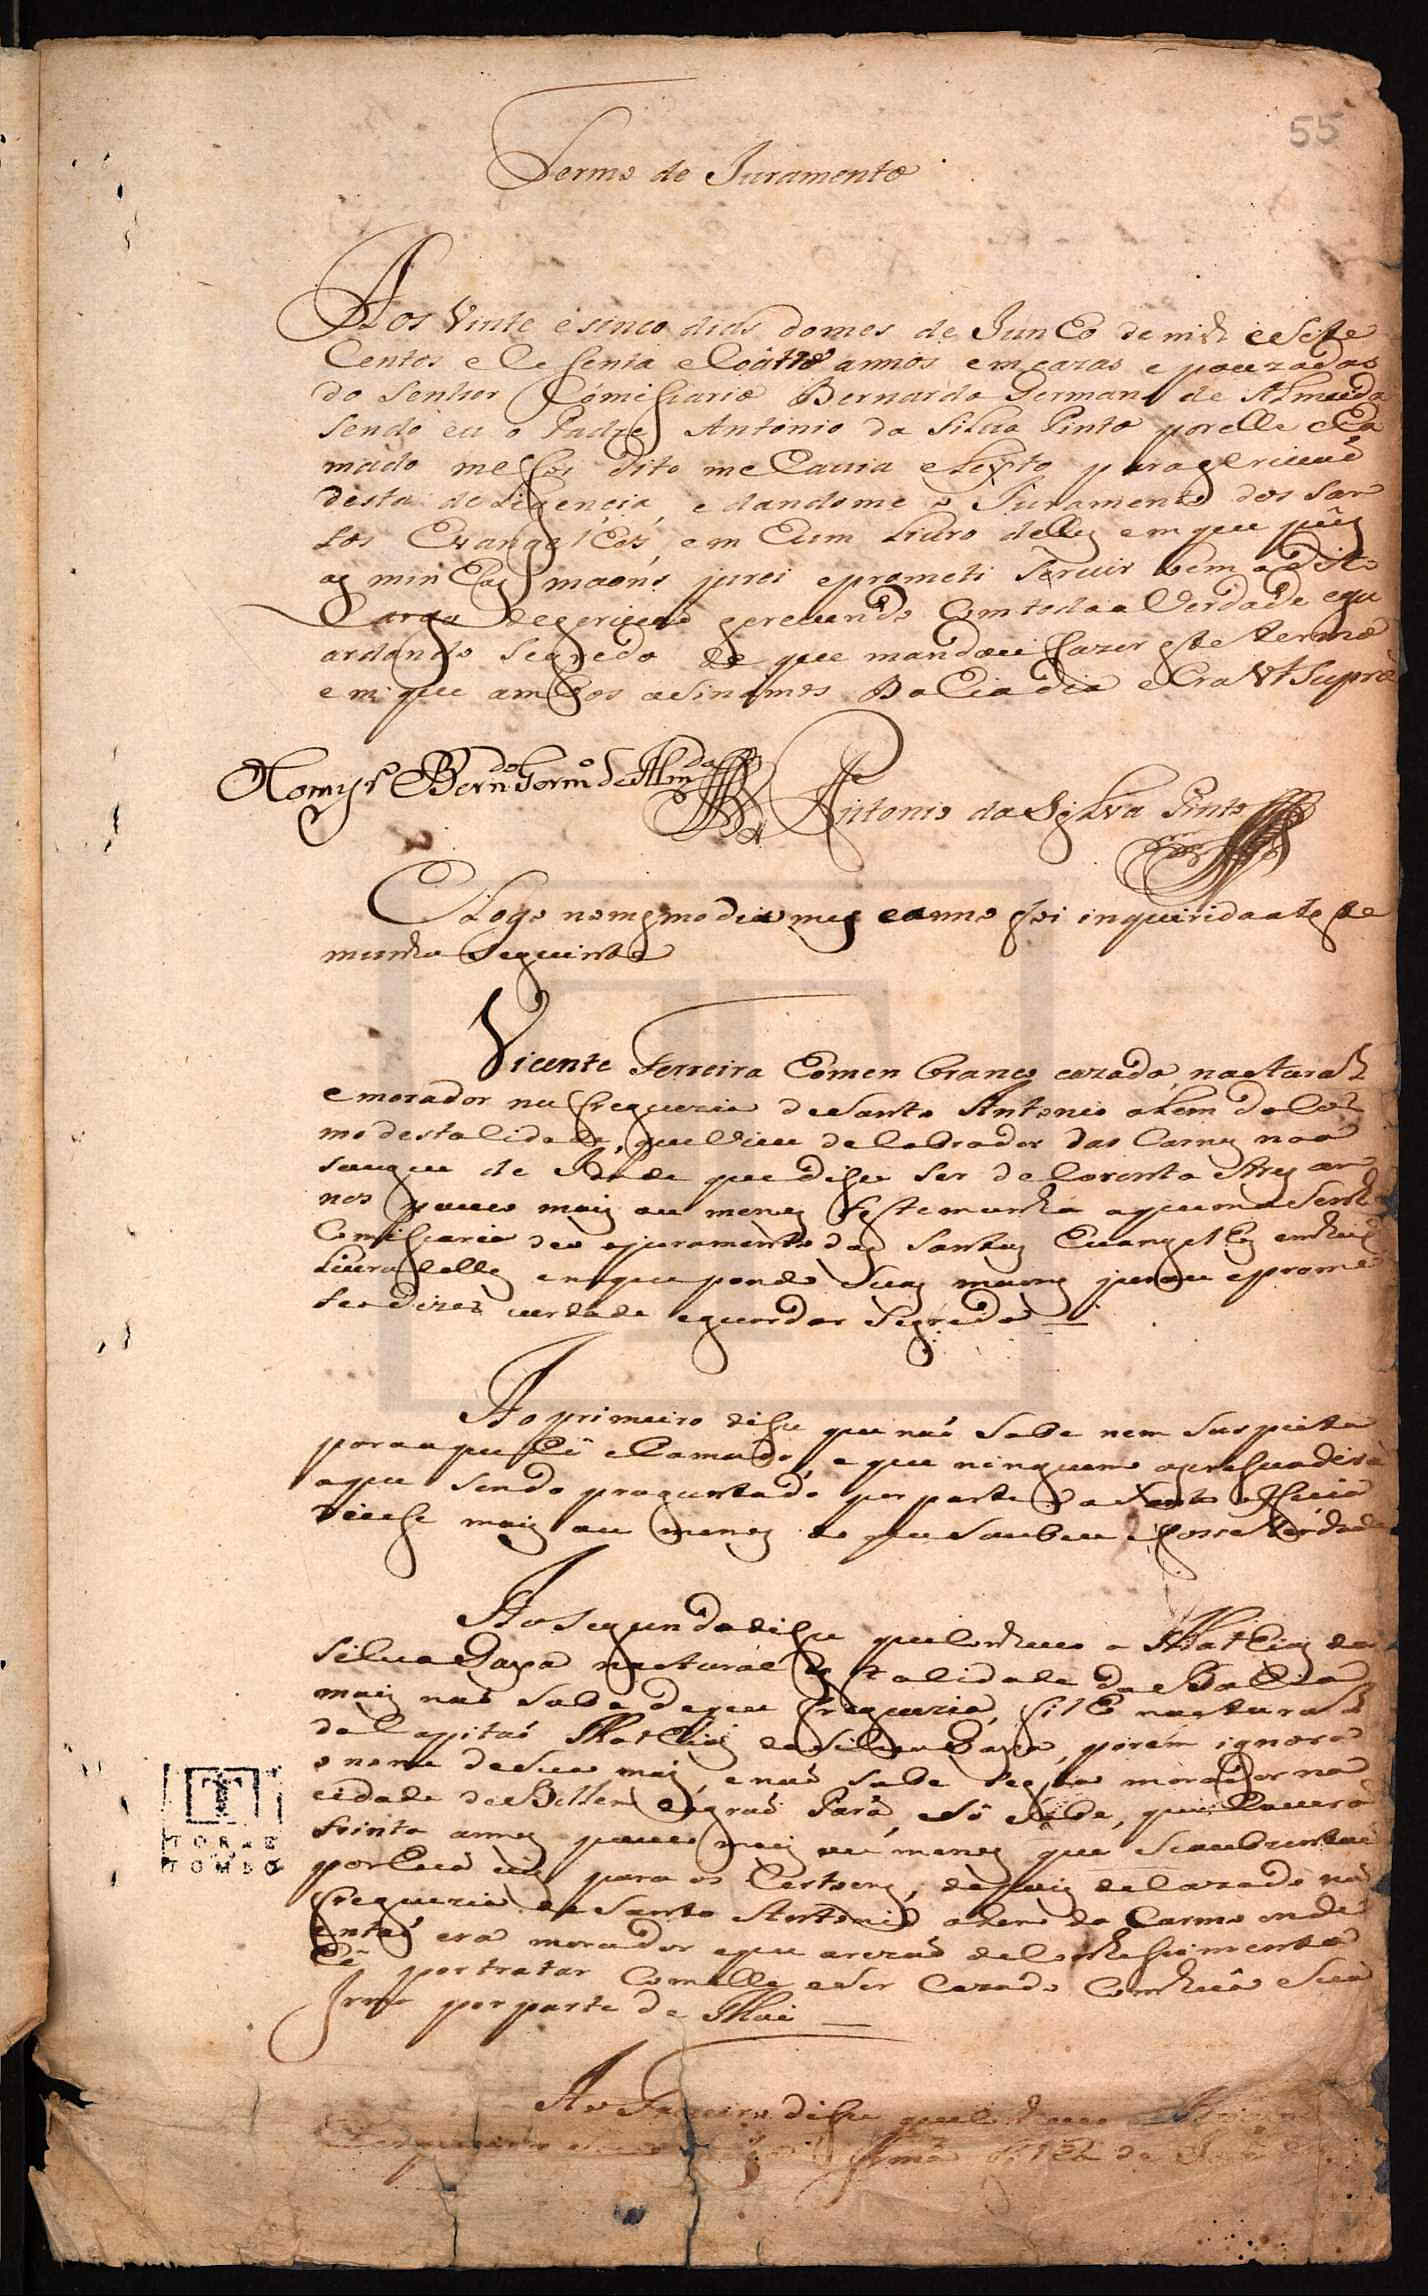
Termo de Iuramento
Aos Vinte e sinco dias do mes de Iunho de mil e sete
Centos e Cesenta e Coatro annos em cazas e pouzadas
do senhor Comissario Bernardo German de Almeida
sendo eu o Padre Antonio da Silua Pinto por elle cha
mado me foi dito me hauia eLeyto para escriuaõ
desta deligencia e dandome o Juramento dos san
tos Evangelhos, em hum Liuro delles em que pûs
as minhas maons jurei e prometi seruir bem o dito
Cargo de escriuaõ escreuendo com toda a Verdade e gu
ardando segredo de que mandou fazer este termo
em que ambos asinamos Bahia dia e Era Vt supra
O Comiss.o Bern.do Gorm.o de Alm.da
Antonio da Sylva Pinto
E Logo no mesmo dia mes e anno foi inquirida a teste
munha seguinte
Vicente Ferreira homen branco cazado, natural
e morador na freguezia de Santo Antonio aLem do Car
mo desta Cidade, que viue de Cobrador das Carnes no a
sougue de Idade que diser ser de Corenta e tres an
nos pouco mais ou menos testemunha a quem o Senh
comissario deo o juramento dos Santos Euangalhoz em hu
Liuro delle en que pondo suas maons jurou e prome
teo dizer uerdade e guardar Segredo
Ao primeiro disse que naõ sabe nem suspeita
para o que hé chamado, e que ninguem o presuadira
a que sendo proguntado por parte da Santo offecio
dicese mais ou menoz do que soubece e fosse verdade
Ao segundo disse que conheceo a Mathias da
silua Gaya natural desta cidade da Bahia
mais naõ sabe de que freguezia, filho natural
do Capitaõ Mathias da Silua Gaya, porem ignora
o nome de Sua maj, e naõ sabe seguia morador na
cidade de Bellem do graõ Pará, e sô sabe, que havera
trinta annos pouco mais ou menos que se aubzentou
por hua vez para os Certoens, depois de cazado na
freguezia de Santo Antonio alem do Carmo onde
entaõ era morador e que a rezaõ de conhessimento
hé por tratar com elle e ser cazado com huā sua
Jrma por parte de Mai
Ao Te_eiro disse que
Irmaõ
